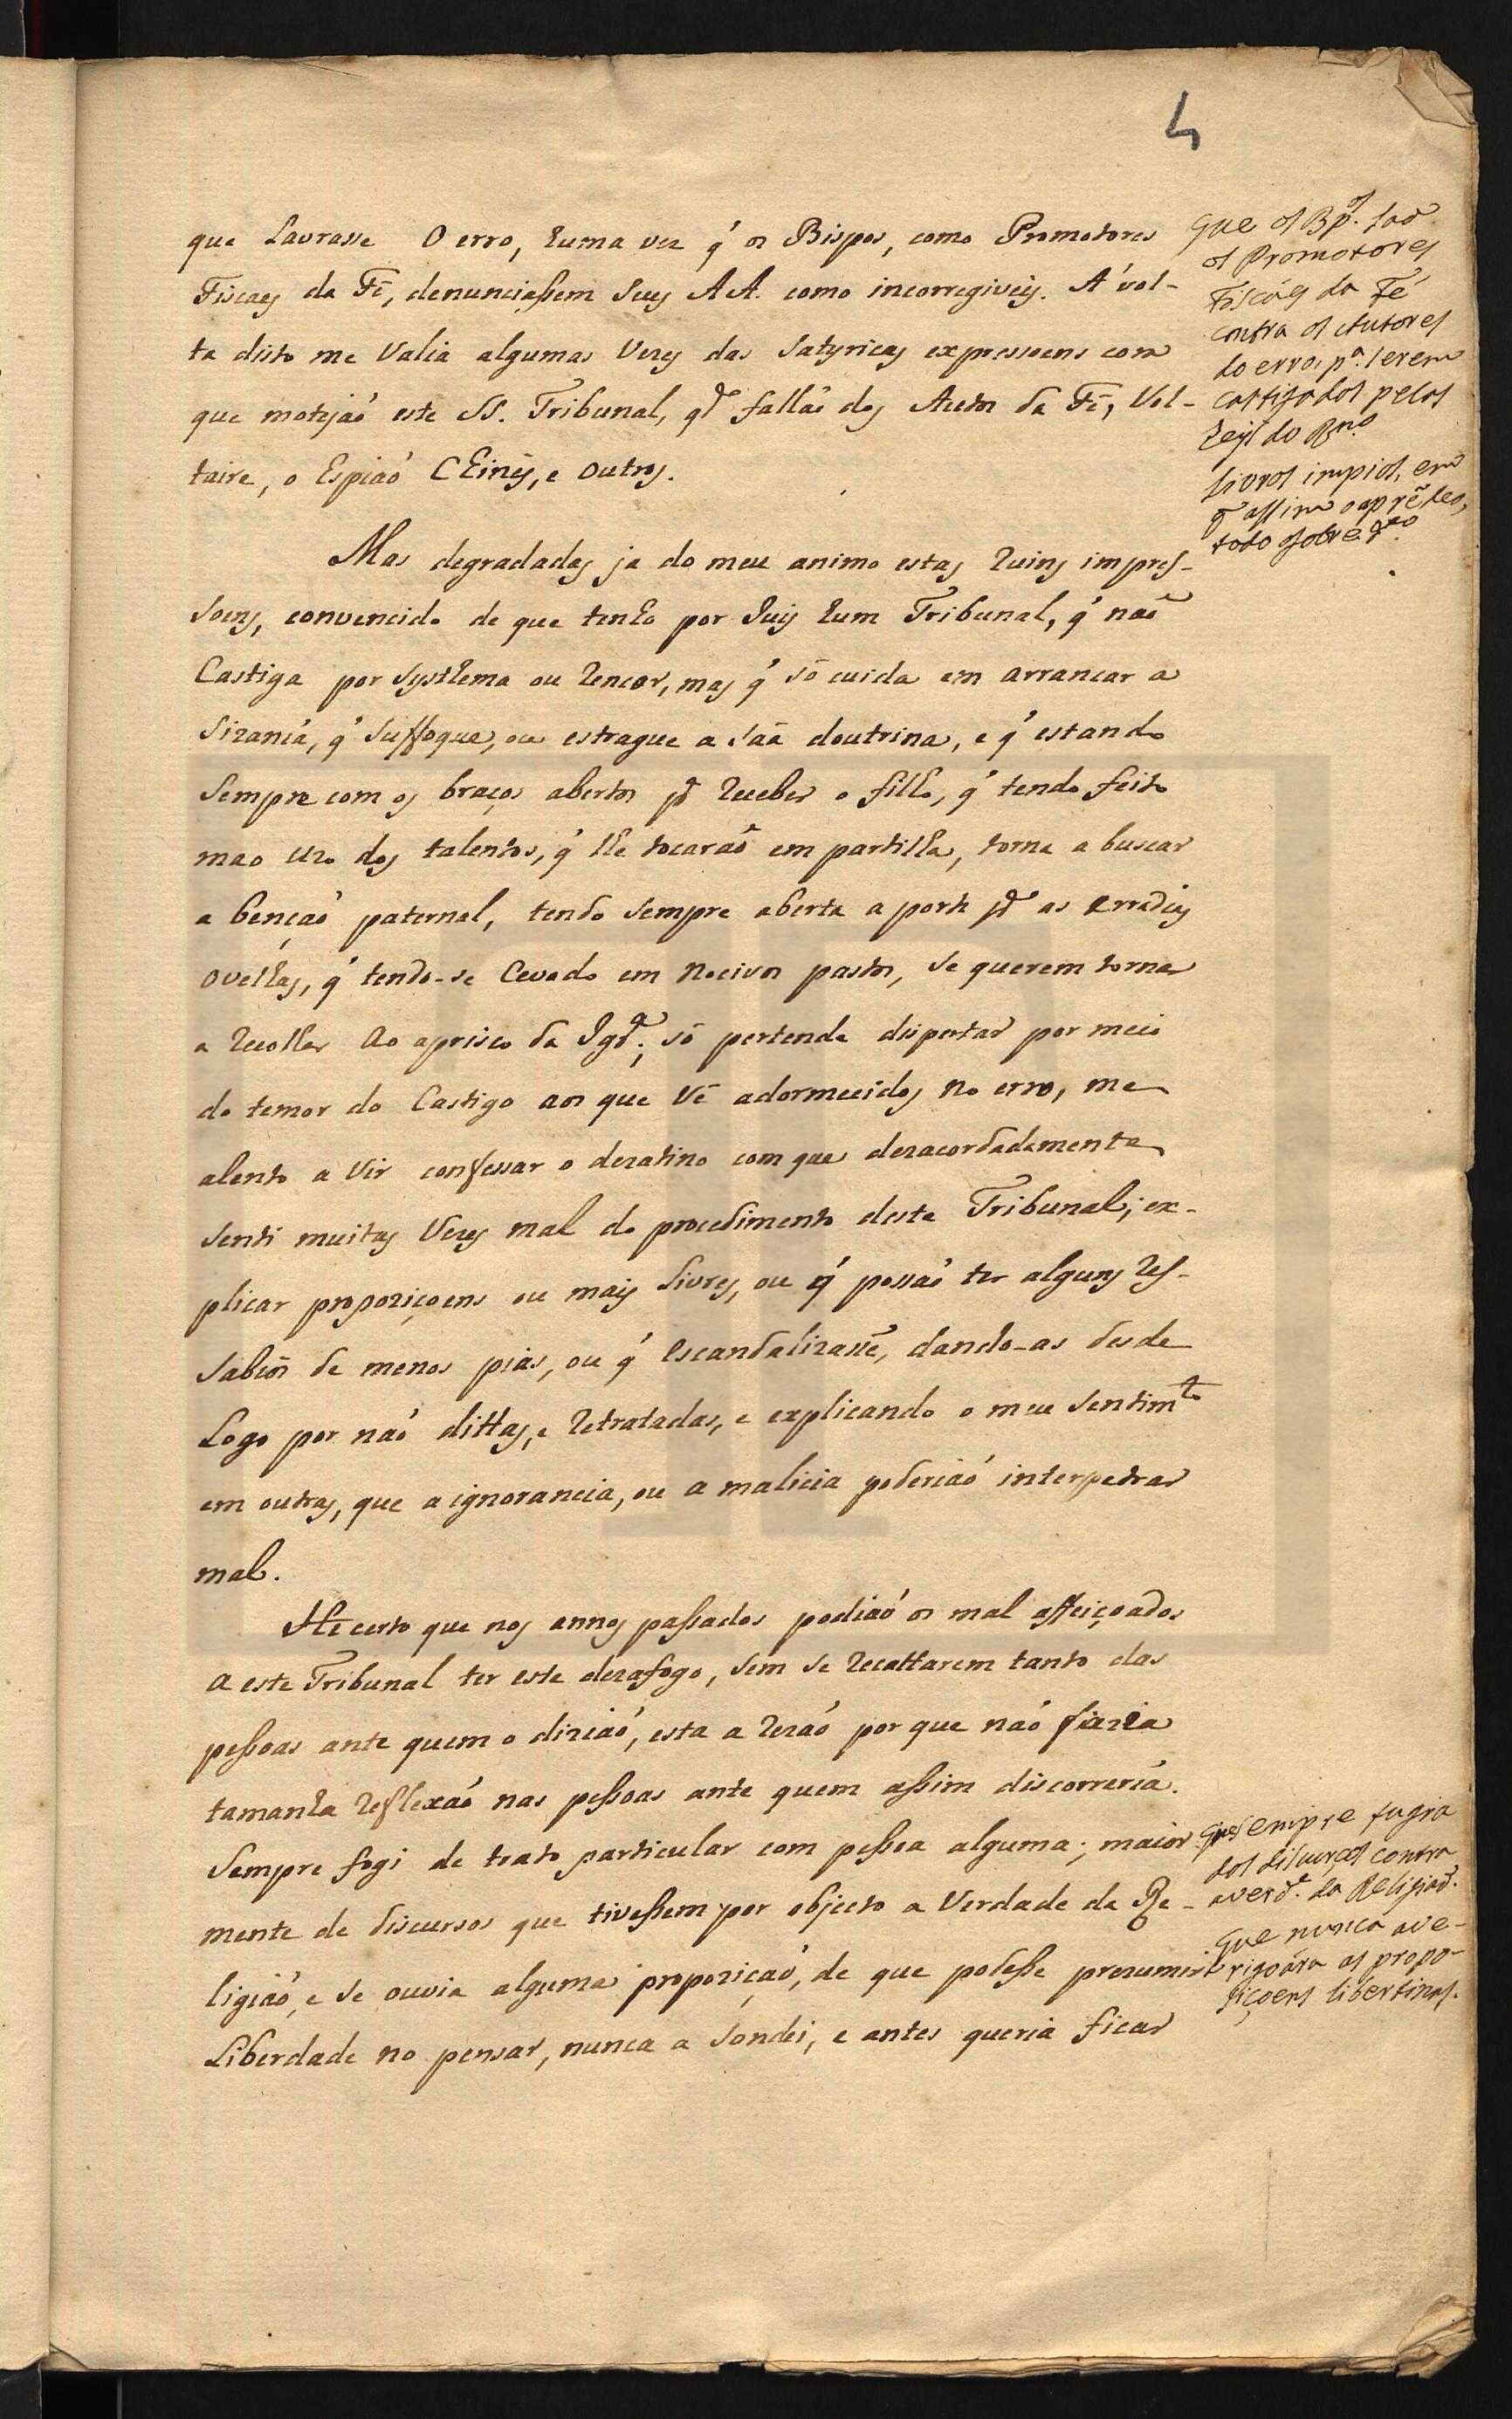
que os Bp.os saõ
que Lavrasse O erro, huma vez q̄ os Bispos, como Promotores
os Promotores
Fiscaes da Fé, denunciassem seus AA. como incorregiveis. Á vol
Fiscáes da Fé
contra os Autores
ta disto me valia algumas vezes das satyricas expressoens com
do erro, p.a serem
castigados pelas
que motejaõ este SS. Tribunal, qd.o fallaõ dos Autos da Fé, Vol
Leys do Rn.o
Livros impios, em
taire, o Espiaõ chines, e outros.
q̄ assim o aprēdeo,
todo o sobred.to
Mas degradadas ja do meu animo estas Ruins impres
soens, convencido de que tenho por Iuis hum Tribunal, q̄ naõ
Castiga por Systhema ou Rencor, mas q̄ só cuida em arrancar a
sizania, q̄ suffoque, ou estrague a saã doutrina, e q̄ estando
Sempre com os braços abertos pa Receber o filho, q̄ tendo feito
mao uzo dos talentos, q̄ lhe tocaraõ em partilha, torna a buscar
a bençaõ paternal, tendo sempre aberta a porta p.a as erradias
ovelhas, q̄ tendo-se cevado em nocivos pastos, se querem tornar
a Recolher ao aprisco da Igr.a; só pertende dispertar por meio
do temor do Castigo aos que vē adormecidos no erro, me
alento a vir confessar o dezatino com que dezacordadamente
senti muitas Vezes mal do procedimento deste Tribunal, ex
plicar propoziçoens ou mais Livres, ou q̄ possaõ ter alguns Res
sabios de menos pias, ou q̄ escandalizassē, dando-as desde
Logo por naõ dittas, e Retratadas, e explicando o meu Sentim.to
em outras, que a ignorancia, ou a malicia poderiaõ interpetrar
mal.
He certo que nos annos passados podiaõ os mal affeiçoados
a este Tribunal ter este dezafogo, sem se Recattarem tanto das
pessoas ante quem o diziaõ, esta a Rezaõ por que naõ fazia
tamanha Reflexaõ nas pessoas ante quem assim discorreria.
Que sempre fugia
Sempre fogi de trato particular com pessoa alguma; maior
dos discurços contra
a verd.e da Religiaõ
mente de discursos que tivessem por objecto a Verdade da Re
que nunca ave
Ligiaõ, e se ouvia alguma propoziçaõ, de que podesse prezumir
rigoára as propo
siçoens libertinas.
Liberdade no pensar, nunca a sondei, e antes queria ficar
